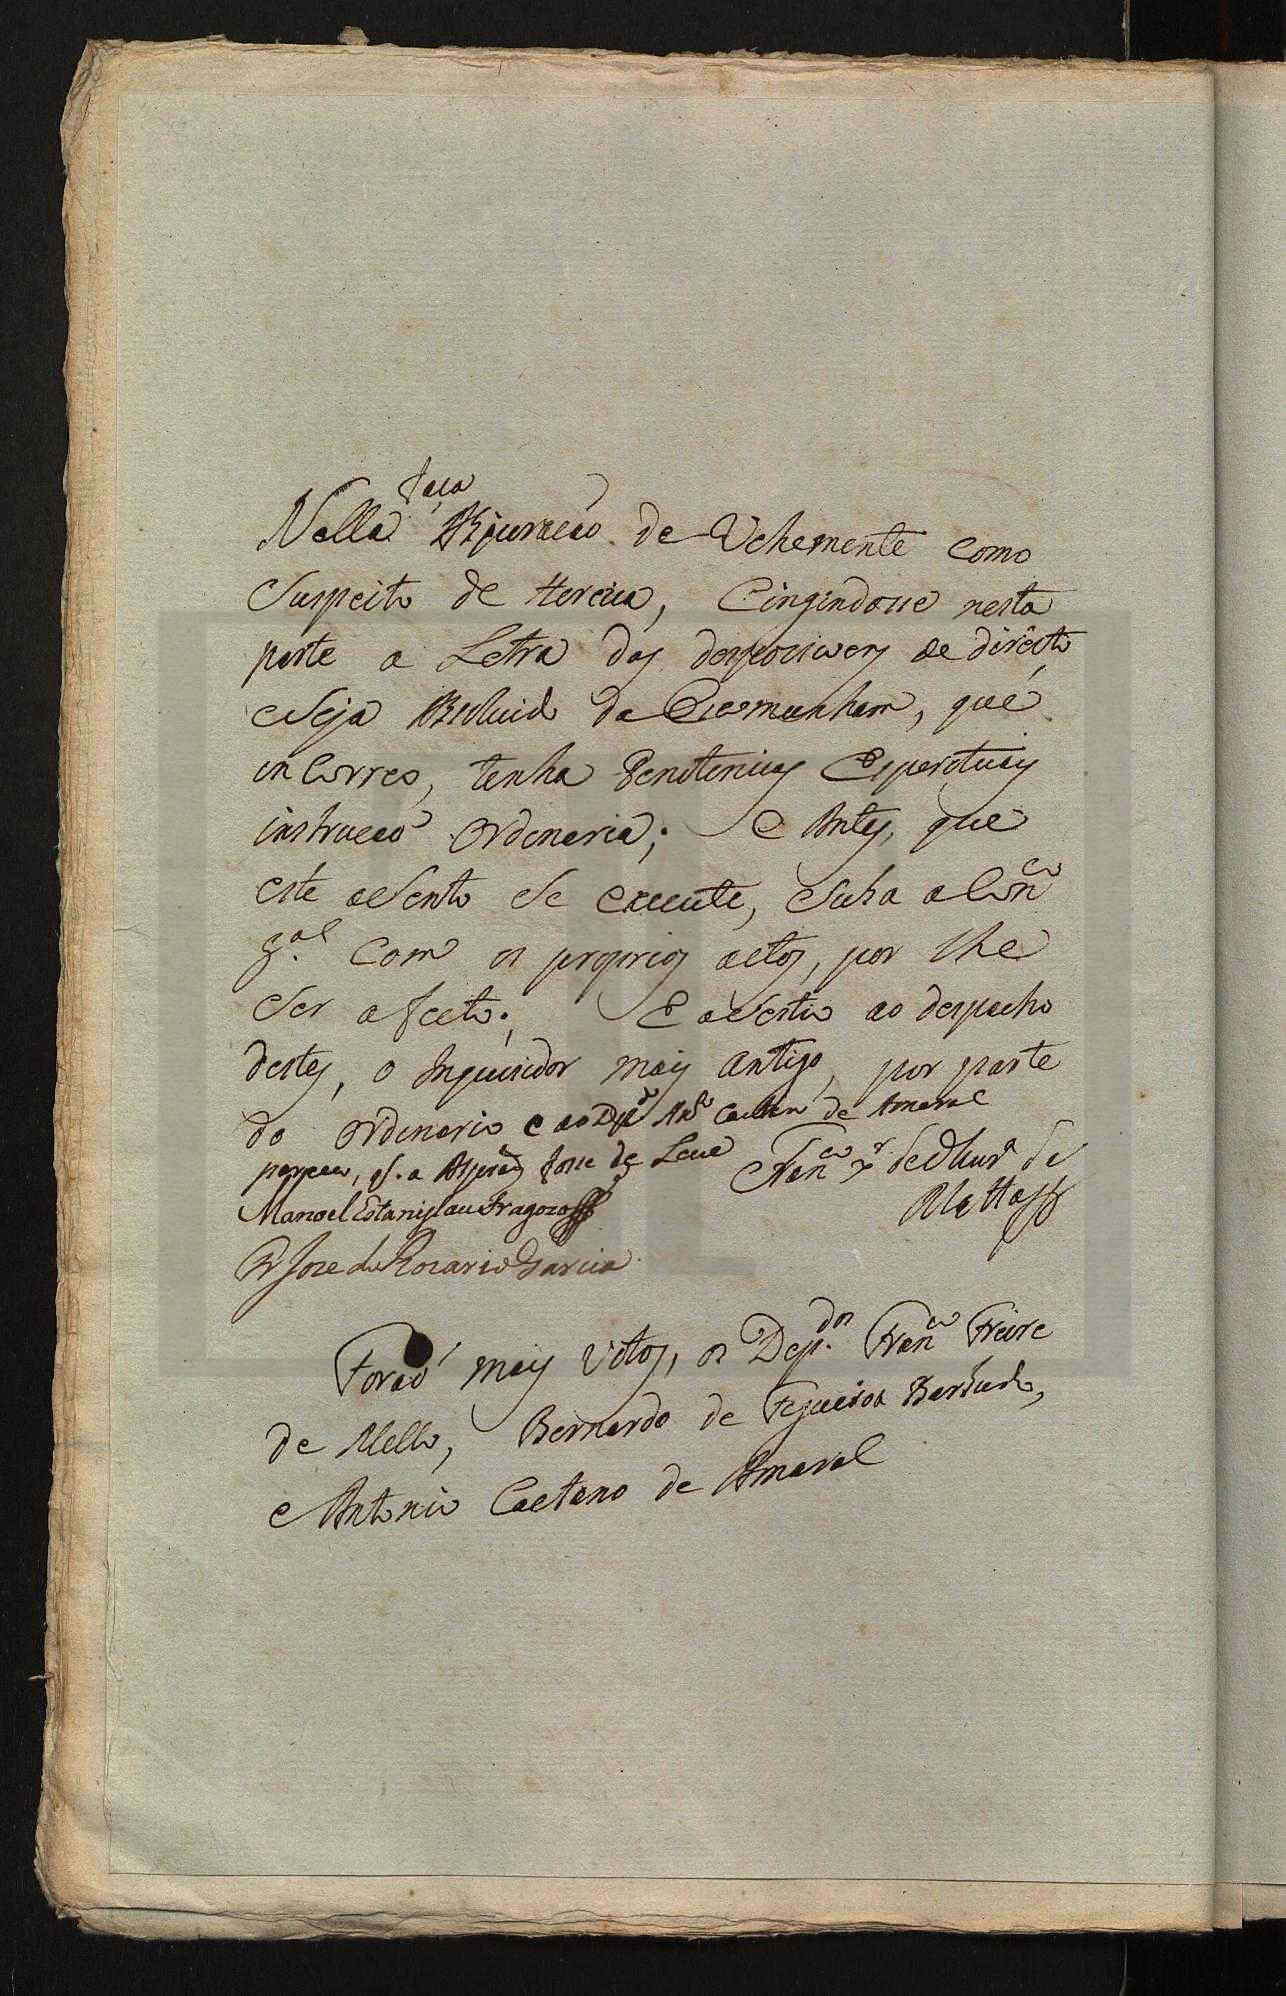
Nella faça Abjuração de Vehemente como
Suspeito de Herezia, Cingindosse nesta
parte a Letra das despozicoens de direito
e Seja Absoluido da Escomunham, que
incorreo, tenha Penitencias Esperituais
instrucaõ Ordenaria; E Antes, que
este aSento Se execute suba a Con.co
g.al com os proprios actos por lhe
ser afeito. E aSestio ao despacho
destes, o Inquisidor mais antigo por parte
do Ordinario, e ao Dp.do Anto caetano de Amaral
porcea, q̄. a Abjuraçaõ fosse de Leue
Fran.co X.r de Olivr.a da
Matta
Manoel Estanislau Fragozo
Fr Joze de Rozario Garcia.
Foraõ mais votos, os Dep.dos Fran.co Freire
de Mello, Bernardo de Fegueiroa Barbudo,
e Antonio Caetano de Amaral
